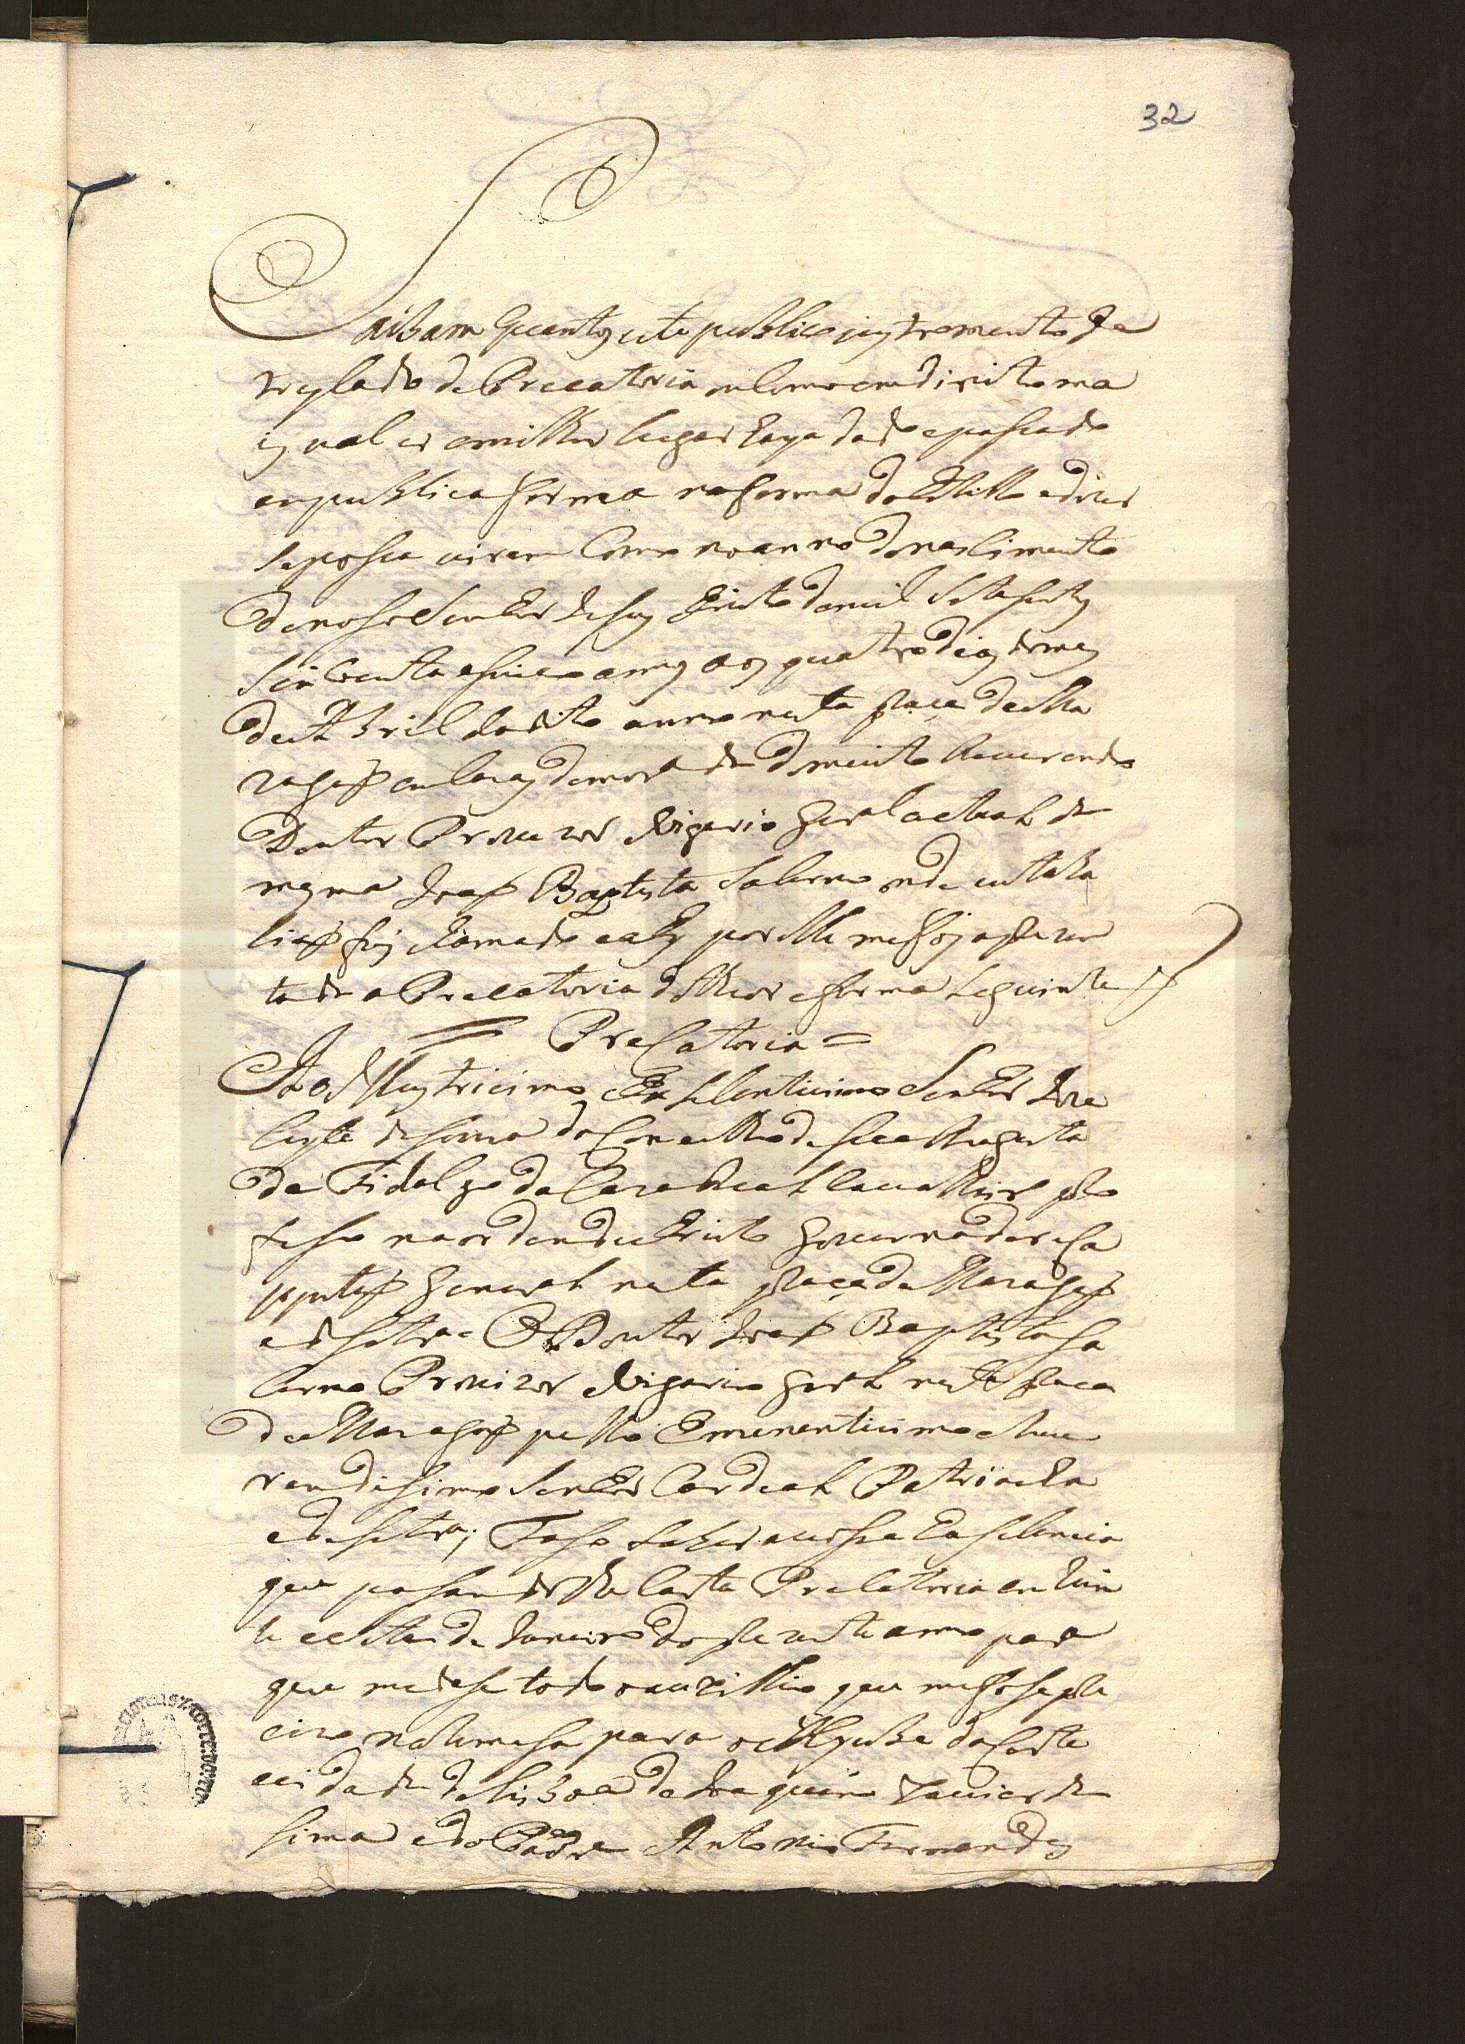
Saibam Quantos este publico instromento de
treslado de Precatoria en Como em direito ma
is valer e milhor lugar haya dado e passado
en publica forma na forma do Estillo e dizer
se possa uirem Como no anno do nasCimento
de noso Senhor Iesus christo de mil Setesentos
Sincoenta e sinco annos aos quatro dias do mes
de Abril do dito anno nesta pRaça de Ma
zagaõ em Cazas de morada do muito Reuerendo
Doutor Prouezor Vigario Geral actual da
mesma Joaõ Baptista Salerno onde eu taba
liaõ fuj chamado e ahy por elle me foj aprezen
tado a Precatoria de theor e forma seguinte
= PreCatoria =
Ao Illustricimo e Exselenticimo Senhor Ioze
Leyte de Lima do Concelho de sua Magesta
de Fidalgo da Caza Real Caualheiro pRo
feso na orden de christo Gouernador e Ca
ppitaõ General nesta pRaça de Mazagaõ
edsetra O Doutor Ioaõ Baptista sa
lerno Prouizor e Vigario Geral nesta Praça
de Mazagaõ pello Emenentisimo e Reue
rendisimo Senhor Cardeal Patriacha
edesetra; Faso saber a uossa Exselencia
que pasandolhe Carta PreCatoria em Vin
te e Sete de Ianeiro do pRezente anno para
que me dese todo o auzillio que me fose pRe
cizo na Remesa para o Alyube da Corte
a cidade de Lisboa de Ioaquim Zauier de
Lima e do Padre Antonio Fernandes
